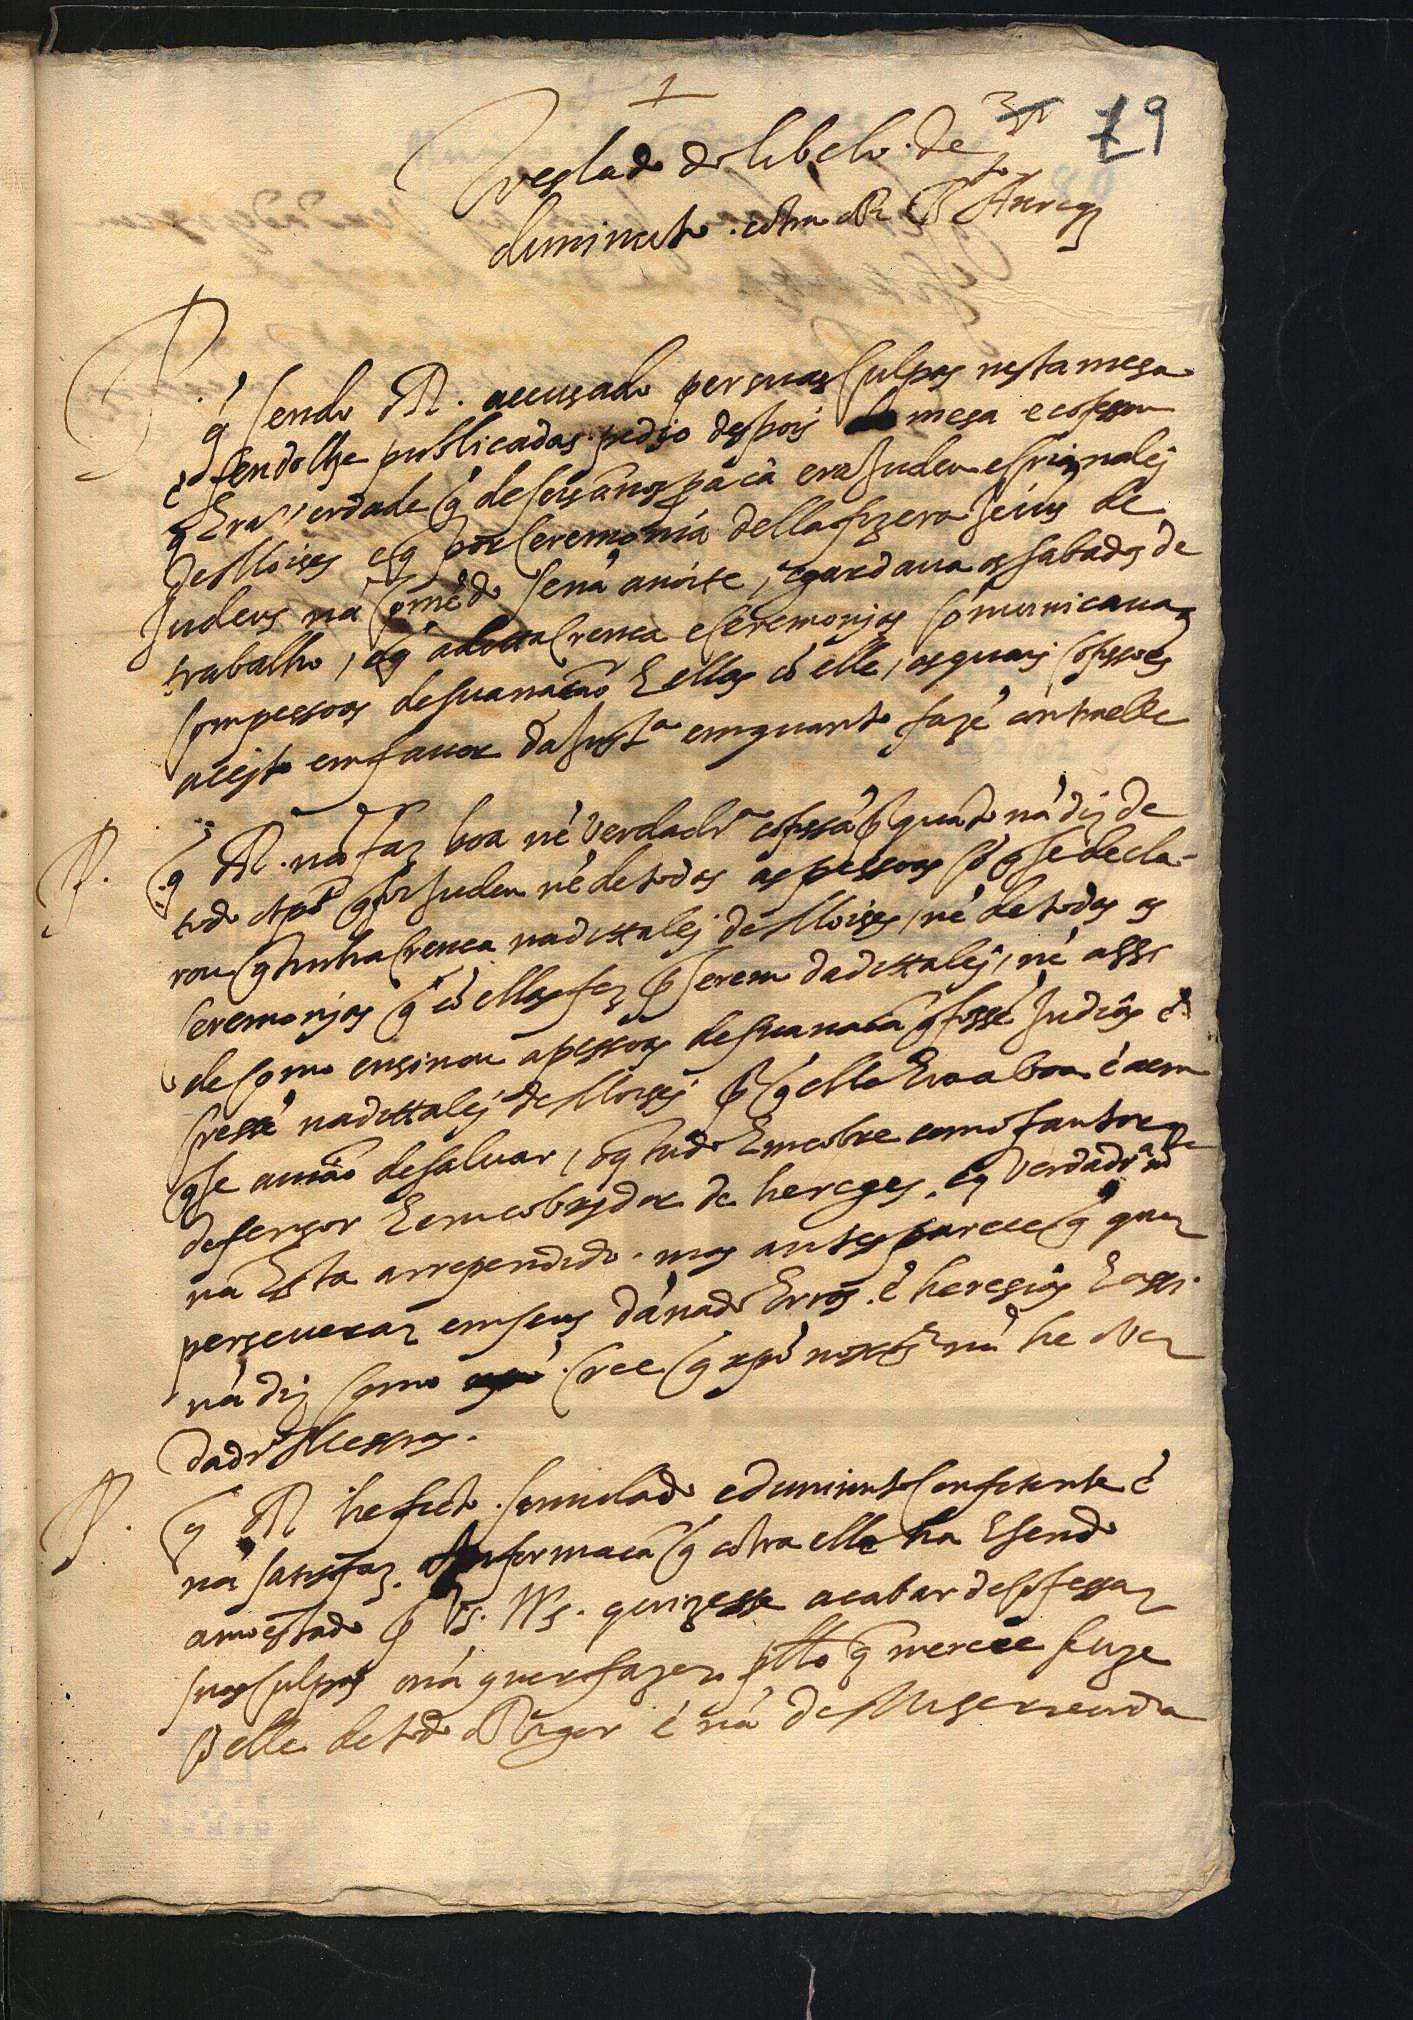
Treslado do libelo de
diminuto cōtra o R. Bto Anriqz
P. q̄ sendo o R. accusado per suas Culpas nesta mesa
e sendo lhe publicadas pedio despois _ mesa e cōfessou
q̄ Era verdade q̄ se seis an̄os ꝑa ca era Judeu e Cria na lej
de Moises e q̄ por Ceremonia della fizera Jeiūs de
Judeus nā Comēdo senā a noite, e gardaua os sabados de
trabalho, o q̄ a ditta Crença e Ceremonias Comunicaua
Com pessoas de sua nação E ellas cō elle, as quais Cōfissoẽs
acejto em fauor da Justa emquanto fazē contra elle
P. q̄ o R. naõ faz boa nē verdadra cōfissā p̄quāto nā diz de
todo o tpō q̄ foi Judeu nē de todas as pessoas Cō q̄ se decla
rou q̄ tinha Crença na ditta lej de Moises, nē de todas as
Ceremonias q̄ cō ellas fez ꝑ serem da ditta lej, nē assi
de Como ensinou a pessoas de sua naçā q̄ fossē Judias e
Cressē na ditta lej de Moises p̄ q̄ ella Era a boa e a em
q̄ se auiaõ de saluar, o q̄ tudo Emcobre como fautor
defensor E emcobrjdor de hereges e q̄ verdadramte
nā Esta arrependido mas antes parece q̄ quer
perseuerar em seus dānado Erros e heresias E assi
nā diz Como _ Cree q̄ xpō nosso sor nā he o ver
dadro Messias.
P. q̄ o R. he ficto semulado e diminuto Confitente e
nā satisfaz a Jnformaçā q̄ cōtra elle ha E sendo
amoestado p̄ vs. Ms. quizesse acabar de Cōfessar
suas Culpas o nā quer fazer pll̄o q̄ merece se uze
Cō elle de todo o Rigor e naõ de Misericordia
